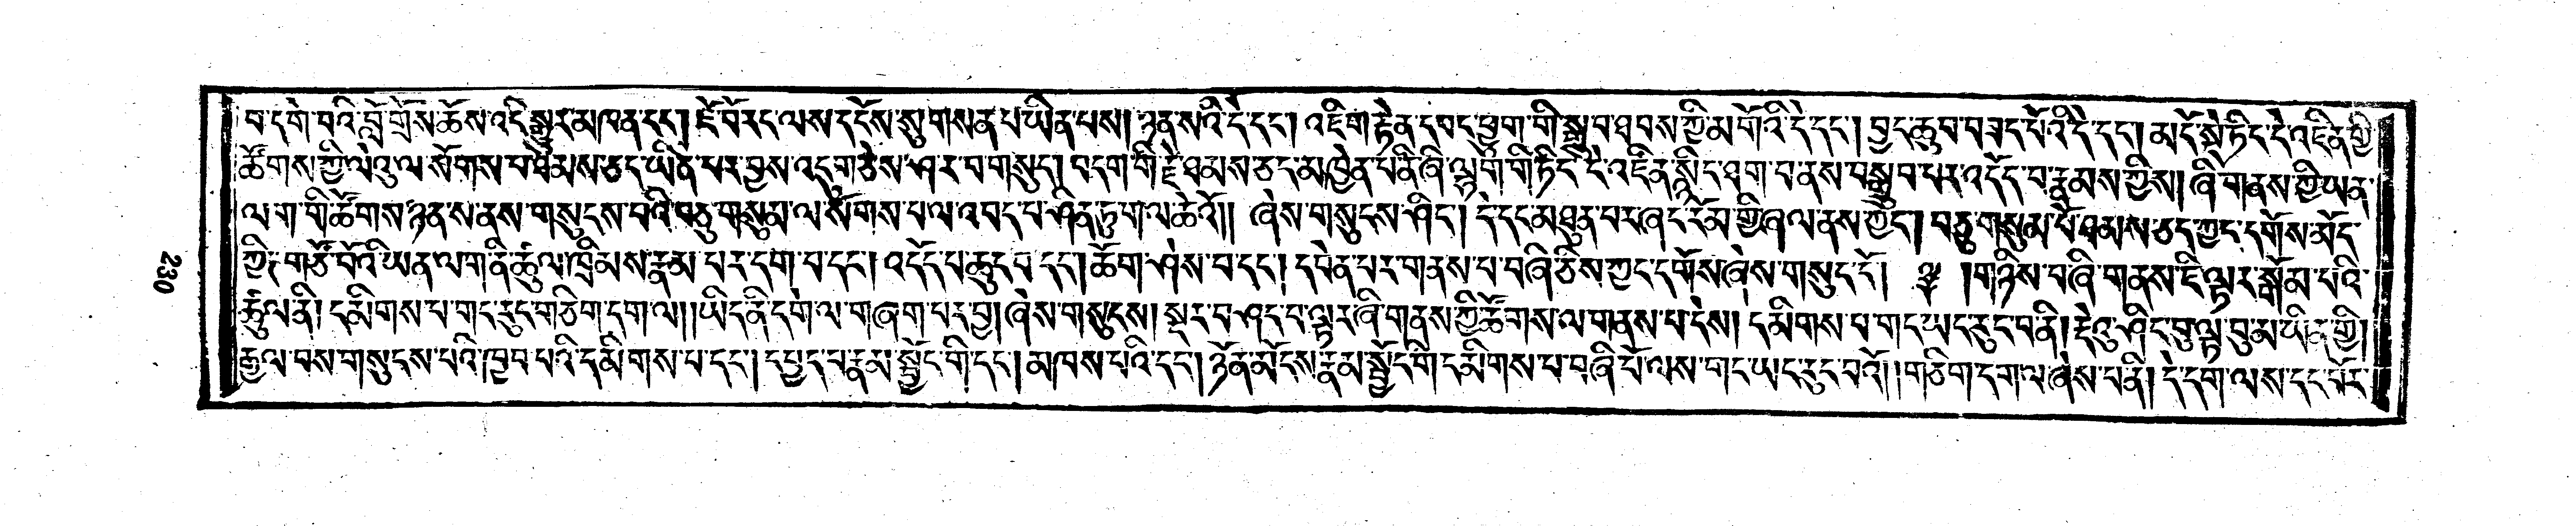བ་དགེ་བའི་བློ་གྲོས་ཆོས་འདི་སྒྱུར་མཁན་དང་། ཇོ་བོ་རང་ལས་དངོས་སུ་གསན་པ་ཡིན་པས། ཉན་སའི་དེ་དང་། འཇིག་རྟེན་དབང་ཕྱུག་གི་སྒྲུབ་ཐབས་ཀྱི་མགོའི་དེ་དང་། བྱང་ཆུབ་བཟང་པོའི་དེ་དང་། མདོ་སྡེ་ཏིང་ངེ་འཛིན་གྱི་
ཚོགས་ཀྱི་ལེའུ་ལ་སོགས་པ་ཐམས་ཅད་ཡིན་པར་བྱས་འདུག་ཅེས་ཤ་ར་བ་གསུང་། བདག་གི་རྗེ་ཐམས་ཅད་མཁྱེན་པ་ནི་ཞི་ལྷག་གི་ཏིང་ངེ་འཛིན་སྙིང་ཐག་པ་ནས་བསྒྲུབ་པར་འདོད་པ་རྣམས་ཀྱིས། ཞི་གནས་ཀྱི་ཡན་
ལག་གི་ཚོགས་ཉན་ས་ནས་གསུངས་པའི་བཅུ་གསུམ་ལ་སོགས་པ་ལ་འབད་པ་ཤིན་ཏུ་གལ་ཆེའོ། །ཞེས་གསུངས་ཤིང་། དེ་དང་མཐུན་པར་ཞང་རོམ་གྱི་ཞལ་ནས་ཀྱང་། བཅུ་གསུམ་པོ་ཐམས་ཅད་ཀྱང་དགོས་མོད་
ཀྱི། གཙོ་བོའི་ཡན་ལག་ནི་ཚུལ་ཁྲིམས་རྣམ་པར་དག་པ་དང་། འདོད་པ་ཆུང་བ་དང་། ཆོག་ཤེས་པ་དང་། དབེན་པར་གནས་པ་བཞི་ཅིས་ཀྱང་དགོས་ཞེས་གསུང་ངོ། ༈ །གཉིས་པ་ཞི་གནས་ཇི་ལྟར་སྒོམ་པའི་
ཚུལ་ནི། དམིགས་པ་གང་རུང་གཅིག་དག་ལ། །ཡིད་ནི་དགེ་ལ་གཞག་པར་བྱ། ཞེས་གསུངས། སྔར་བཤད་པ་ལྟར་ཞི་གནས་ཀྱི་ཚོགས་ལ་གནས་པ་དེས། དམིགས་པ་གང་ཡང་རུང་བ་ནི། རྡེའུ་ཤིང་བུ་ལྟ་བུ་མ་ཡིན་གྱི།
རྒྱལ་བས་གསུངས་པའི་ཁྱབ་པའི་དམིགས་པ་དང་། དཔྱད་པ་རྣམ་སྦྱོང་གི་དང་། མཁས་པའི་དང་། ཉོན་མོངས་རྣམ་སྦྱོང་གི་དམིགས་པ་བཞི་པོ་ལས་གང་ཡང་རུང་བའོ། །གཅིག་དག་ལ་ཞེས་པ་ནི། དེ་དག་ལས་དང་པོར་